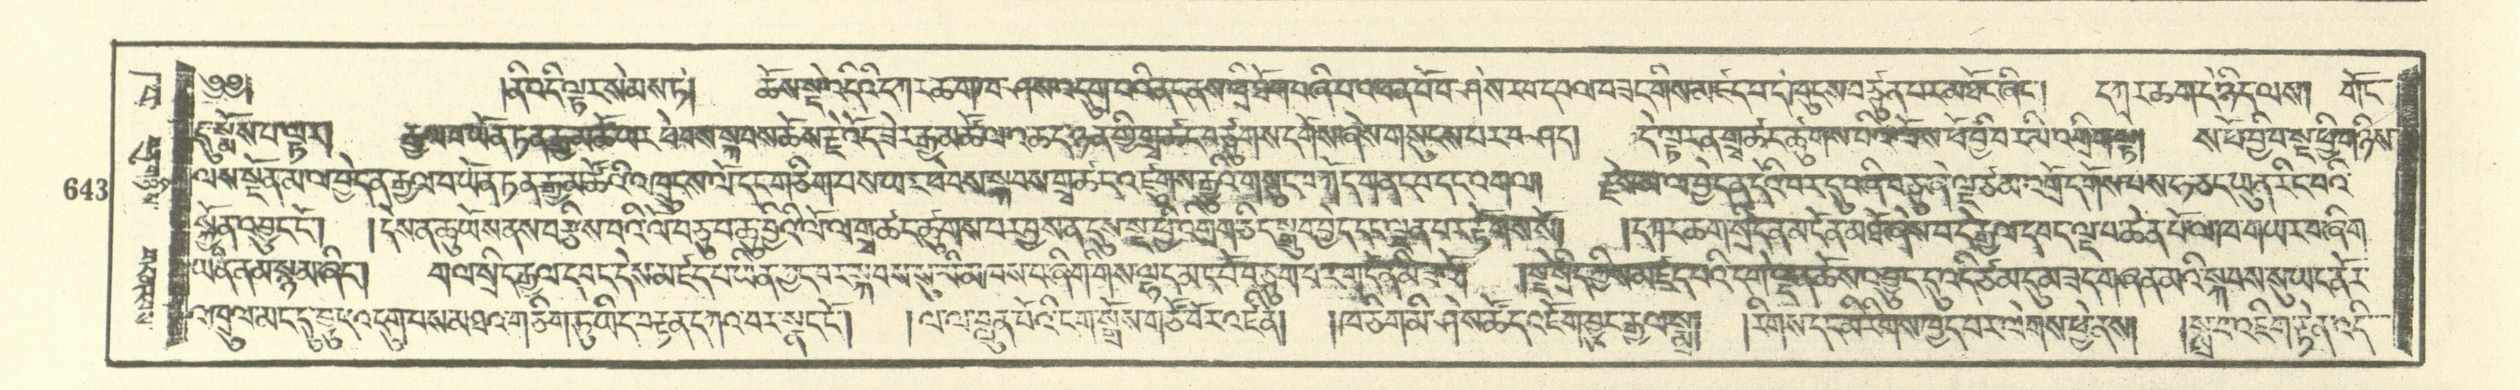༄༅། །ནི་འདི་ལྟར་སེམས་ཏེ། ཆོས་སྡེ་འདིའི་དཀར་ཆག་ཁ་ཤས་འདུག་པའི་ནང་ནས་ཁྲི་ཐོག་བཞི་པ་འཕན་པོ་བ་ཤེས་རབ་དཔལ་བཟང་གིས་མཛད་པ་དེ་ཁུངས་བཙུན་པར་མཐོང་ཞིང་། དཀར་ཆག་དེ་ཉིད་ལས། གོང་
དུ་སྦོས་པ་ལྟར། རྒྱལ་བ་ཡོན་ཏན་རྒྱ་མཚོ་ཡར་ཕེབས་སྐབས་ཆོས་རྗེ་འོད་ཟེར་རྒྱ་མཚོ་ལ་འཆད་ཉན་གྱི་གྲྭ་ཚང་བཙུགས་དགོས་ཞེས་གསུངས་པར་བཤད། དེ་ལྟར་ན་གྲྭ་ཚང་ཚུགས་པའི་ལོ་ས་ཕོ་བྱི་བར་མི་འགྲིག་སྟེ། ས་ཕོ་བྱི་བ་སྔ་ཕྱི་གཉིས་
ལས་སྔོན་མ་ལ་བྱེད་ན་རྒྱལ་བ་ཡོན་ཏན་རྒྱ་མཚོའི་འཁྲུངས་ལོ་དང་གཅིག་པས་ཡར་ཕེབས་སྐབས་གྲྭ་ཚང་འཛུགས་རྒྱུའི་གསུང་བཀོད་གནང་བ་དང་འགལ། རྗེས་མ་ལ་བྱེད་ན་དེའི་བར་དུ་བཞི་བཅུ་ཞེ་ལྔ་ཙམ་འགྲོ་དགོས་པས་ཧ་ཅང་ཡུན་རིང་བའི་
སྐྱོན་འབྱུང་ངོ། །དེས་ན་ཆུ་ཡོས་ནས་བརྩིས་པའི་ལོ་བཅུ་པ་ཆུ་བྱིའི་ལོ་ལ་གྲྭ་ཚང་ཚུགས་པར་བྱས་ན་དུས་སྔ་ཕྱི་འགྲིག་ཅིང་སྒྲུབ་བྱེད་དང་ལྡན་པར་རྟོགས་སོ། །དཀར་ཆག་སྲིད་ན་མངོན་མཐོ་ཞེས་པ་དེ་རྒྱལ་དབང་ལྔ་པ་ཆེན་པོ་ལ་ཁ་གཡར་བ་ཞིག་
ཡིན་ན་མ་སྙམ་ཞིང་། གལ་སྲིད་རྒྱལ་དབང་དེས་མཛད་པ་ཡིན་ཀྱང་བར་སྐབས་སུ་མི་མཁས་པ་ཞིག་གིས་ལྷད་མང་པོ་བཅུག་བར་གདོན་མི་ཟའོ། །སྡེ་སྲིད་ཀྱིས་མཛད་པའི་དགེ་ལྡན་ཆོས་འབྱུང་དུ་འདི་ཙམ་དུ་མ་ཟད་གཞན་མའི་སྐབས་སུ་ཡང་ནོར་
འཁྲུལ་མང་དུ་བྱུང་འདུག་བས་མཐའ་གཅིག་ཏུ་ཡིད་བརྟན་དཀའ་བར་སྣང་ངོ། །ལ་ལ་བླུན་པོའི་དག་སྒྲོས་གཙོ་བོར་འཛིན། །ཁ་ཅིག་མི་ཤེས་ཚོད་འཇོག་བྱུང་རྒྱལ་སྨྲ། །རིགས་དང་མི་རིགས་ཁྱད་པར་ལེགས་ཕྱེ་ནས། །སྨྲ་བ་འཇིག་རྟེན་འདི་